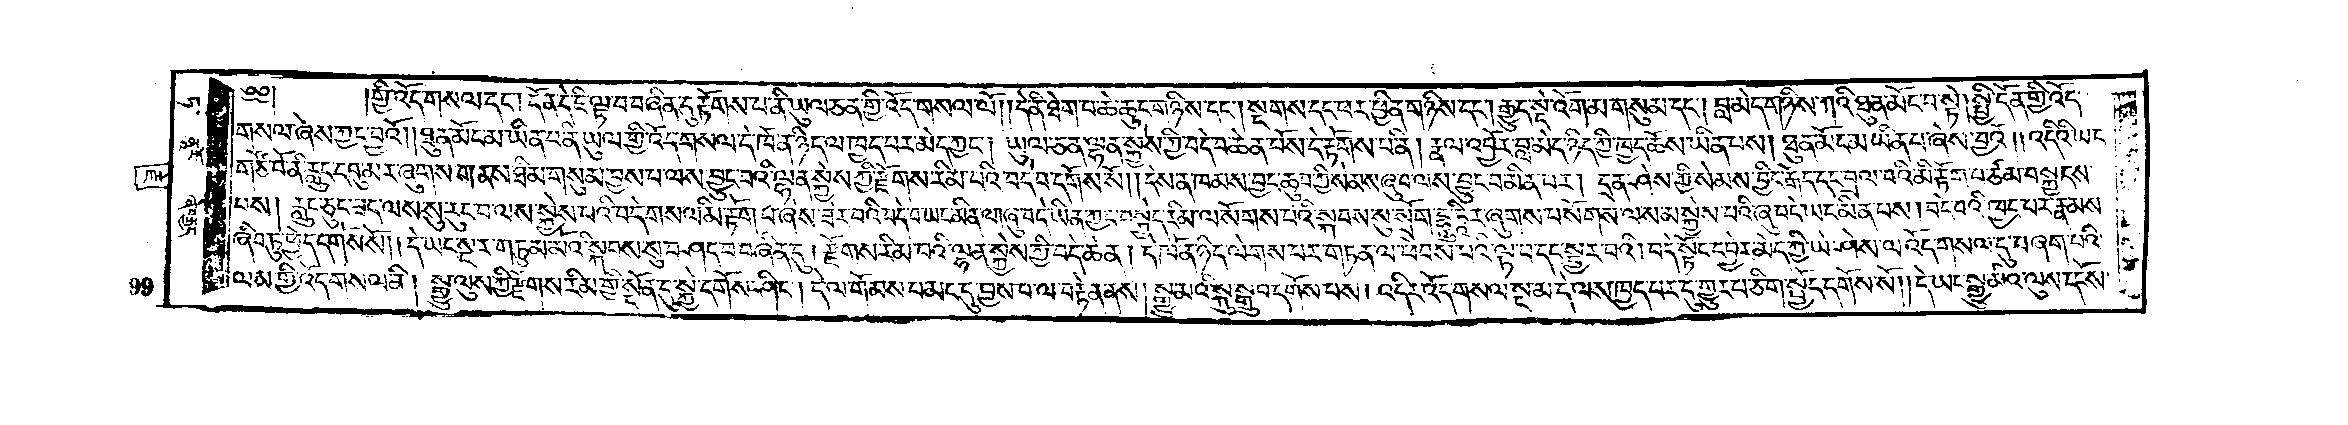༄༅། །གྱི་འོད་གསལ་དང་། དོན་དེ་ཇི་ལྟ་བ་བཞིན་དུ་རྟོགས་པ་ནི་ཡུལ་ཅན་གྱི་འོད་གསལ་ལོ། །དེ་ནི་ཐེག་པ་ཆེ་ཆུང་གཉིས་དང་། སྔགས་དང་ཕར་ཕྱིན་གཉིས་དང་། རྒྱུད་སྡེ་འོག་མ་གསུམ་དང་། བླ་མེད་གཉིས་ཀའི་ཐུན་མོང་བ་སྟེ། སྤྱི་དོན་གྱི་འོད་
གསལ་ཞེས་ཀྱང་བྱའོ། །ཐུན་མོང་མ་ཡིན་པ་ནི་ཡུལ་གྱི་འོད་གསལ་དེ་ཁོ་ན་ཉིད་ལ་ཁྱད་པར་མེད་ཀྱང་། ཡུལ་ཅན་ལྷན་སྐྱེས་ཀྱི་བདེ་བ་ཆེན་པོས་དེ་རྟོགས་པ་ནི། རྣལ་འབྱོར་བླ་མེད་ཉིད་ཀྱི་ཁྱད་ཆོས་ཡིན་པས། ཐུན་མོང་མ་ཡིན་པ་ཞེས་བྱའོ། །འདིའི་ཡང་
གཙོ་བོ་ནི་རླུང་དབུ་མར་ཞུགས་གནས་ཐིམ་གསུམ་བྱས་པ་ལས་བྱུང་བའི་ལྷན་སྐྱེས་ཀྱི་རྫོགས་རིམ་པའི་བདེ་བ་དགོས་སོ། །དེས་ན་ཁམས་བྱང་ཆུབ་ཀྱི་སེམས་ཞུ་བ་ལས་བྱུང་བ་མིན་པར། དན་ཤེས་ཀྱི་སེམས་བྱིང་རྒོད་དང་བྲལ་བའི་མི་རྟོག་པ་ཙམ་བསྐྱངས་
པས། རླུང་ཅུང་ཟད་ལས་སུ་རུང་བ་ལས་སྐྱེས་པའི་བདེ་གསལ་མི་རྟོག་པ་ཞེས་ཟེར་བའི་བདེ་བ་ཡང་མིན་ལ། ཞུ་བདེ་ཡིན་ཀྱང་བསྐྱེད་རིམ་ལ་སོགས་པའི་སྐབས་སུ་སྲོག་དྷཱུ་ཏཱིར་ཞུགས་པ་སོགས་ལས་མ་སྐྱེས་པའི་ཞུ་བདེ་ཡང་མིན་པས། བདེ་བའི་ཁྱད་པར་རྣམས་
ཞིབ་ཏུ་ཕྱེད་དགོས་སོ། །དེ་ཡང་སྔར་གཏུམ་མོའི་སྐབས་སུ་བཤད་པ་བཞིན་དུ། རྫོགས་རིམ་པའི་ལྷན་སྐྱེས་ཀྱི་བདེ་ཆེན། དེ་ཁོ་ན་ཉིད་ལེགས་པར་གཏན་ལ་ཕེབས་པའི་ལྟ་བ་དང་སྦྱར་བའི། བདེ་སྟོང་དབྱེར་མེད་ཀྱི་ཡེ་ཤེས་ལ་འོད་གསལ་དུ་བཞག་པའི་
ལམ་གྱི་འོད་གསལ་ནི། སྒྱུ་ལུས་ཀྱི་རྫོགས་རིམ་གྱི་སྔོན་དུ་སྐྱེ་དགོས་ཤིང་། དེ་ལ་གོམས་པ་མང་དུ་བྱས་པ་ལ་བརྟེན་ནས། སྒྱུ་མའི་སྐུ་སྒྲུབ་དགོས་པས། འདིར་འོད་གསལ་སྔ་མ་དེ་ལས་ཁྱད་པར་དུ་གྱུར་པ་ཅིག་སྤྱོད་དགོས་སོ། །དེ་ཡང་སྒྱུ་མའི་ལུས་དངོས་